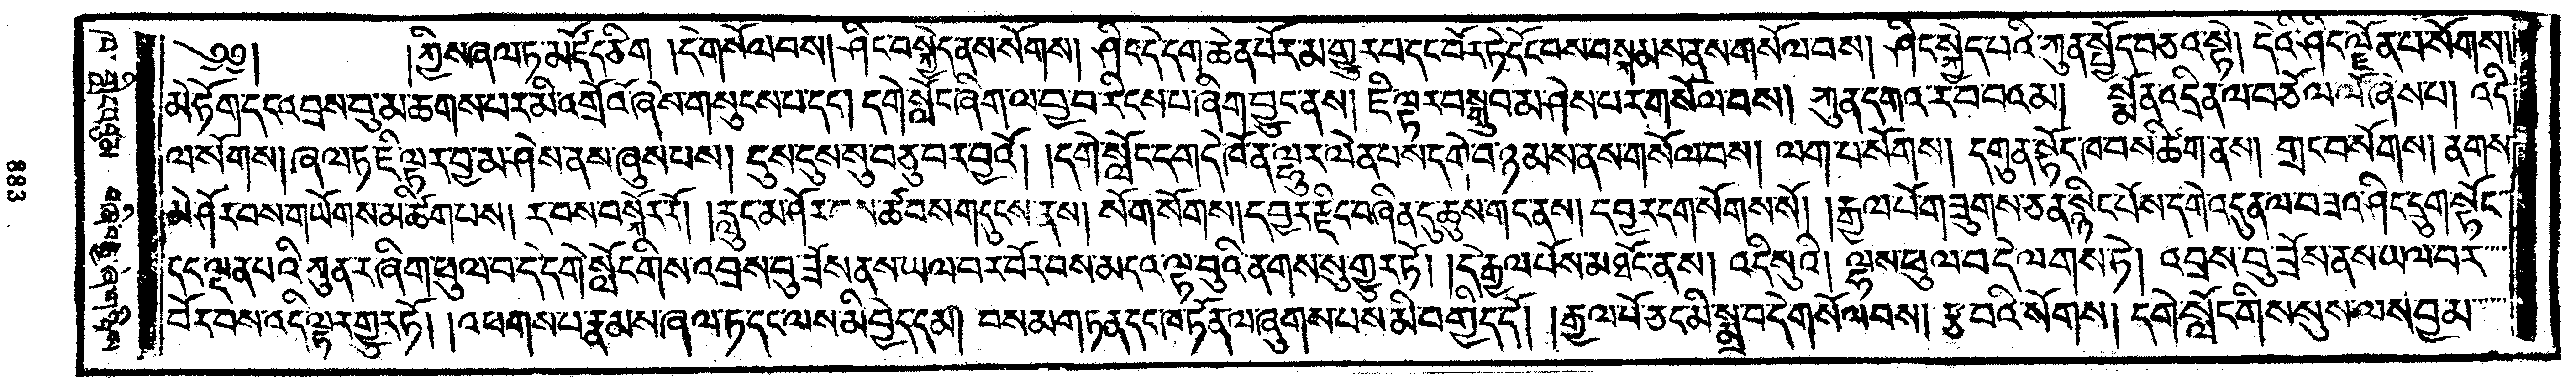༄༅། །ཀྱིས་ཞལ་ཏ་མཛོད་ཅིག །དེ་གསོལ་བས། ཤིང་བསྐྱེད་ནས་སོགས། ཤིང་དེ་དག་ཆེན་པོར་མ་གྱུར་པ་དང་བོར་ཏེ་དོང་བས་བསྐམས་ནས་གསོལ་བས། ཤིང་སྐྱེད་པའི་ཀུན་སྤྱོད་བཅའ་སྟེ། དེའི་ཤིང་ལྗོན་པ་སོགས།།
མེ་ཏོག་དང་འབྲས་བུ་མ་ཆགས་པར་མི་འགྲོའོ་ཞེས་གསུངས་པ་དང་། དགེ་སློང་ཞིག་ལ་བྱ་བ་རིངས་པ་ཞིག་བྱུང་ནས། ཇི་ལྟར་བསྒྲུབ་མ་ཤེས་པར་གསོལ་བས། ཀུན་དགའ་ར་བ་བའམ། སྨོན་འདྲིན་ལ་བཅོལ་ལོ་ཞེས་པ། འདི་
ལ་སོགས། ཞལ་ཏ་ཇི་ལྟར་བྱ་མ་ཤེས་ནས་ཞུས་པས། དུས་དུས་སུ་བཅུ་བར་བྱའོ། །དགེ་སློང་དག་དེ་ཁོ་ན་ལྷུར་ལེན་པས་དགེ་བ་ཉམས་ནས་གསོལ་བས། ལག་པ་སོགས། དགུན་སྟོང་ཁ་བས་ཚིག་ནས། གྲང་བ་སོགས། ནགས་
མེ་ཤོར་བས་གཡོགས་མ་ཚིག་པས། ར་བས་བསྐོར་རོ། །རླུང་མ་ཤོར་བས་ཚབས་གདུངས་ནས། སོ་གསོགས། དབྱར་རྗིང་བཞིན་དུ་ཆུས་གང་ནས། དབྱར་དག་སོགས་སོ། །རྒྱལ་པོ་གཟུགས་ཅན་སྙིང་པོས་དགེ་འདུན་ལ་བཟའ་ཤིང་དྲུག་སྟོང་
དང་ལྡན་པའི་ཀུན་ར་ཞིག་ཕུལ་བ་དེ་དགེ་སློང་གིས་འབྲས་བུ་ཟོས་ནས་ཡལ་བར་བོར་བས་མདའ་ལྟ་བུའི་ནགས་སུ་གྱུར་ཏོ། །དེ་རྒྱལ་པོས་མཐོང་ནས། འདི་སུའི། ལྷས་ཕུལ་བདེ་ལགས་ཏེ། འབྲས་བུ་ཟོས་ནས་ཡལ་བར་
བོར་བས་འདི་ལྟར་གྱུར་ཏོ། །འཕགས་པ་རྣམས་ཞལ་ཏ་དང་ལས་མི་བྱེད་དམ། བསམ་གཏན་དང་ཁ་ཏོན་ལ་ཞུགས་པས་མི་བགྱིད་དོ། །རྒྱལ་པོ་ཅང་མི་སྨྲ་བ་དེ་གསོལ་བས། རྩ་བའི་སོགས། དགེ་སློང་གིས་སུས་ལས་བྱ་མ་